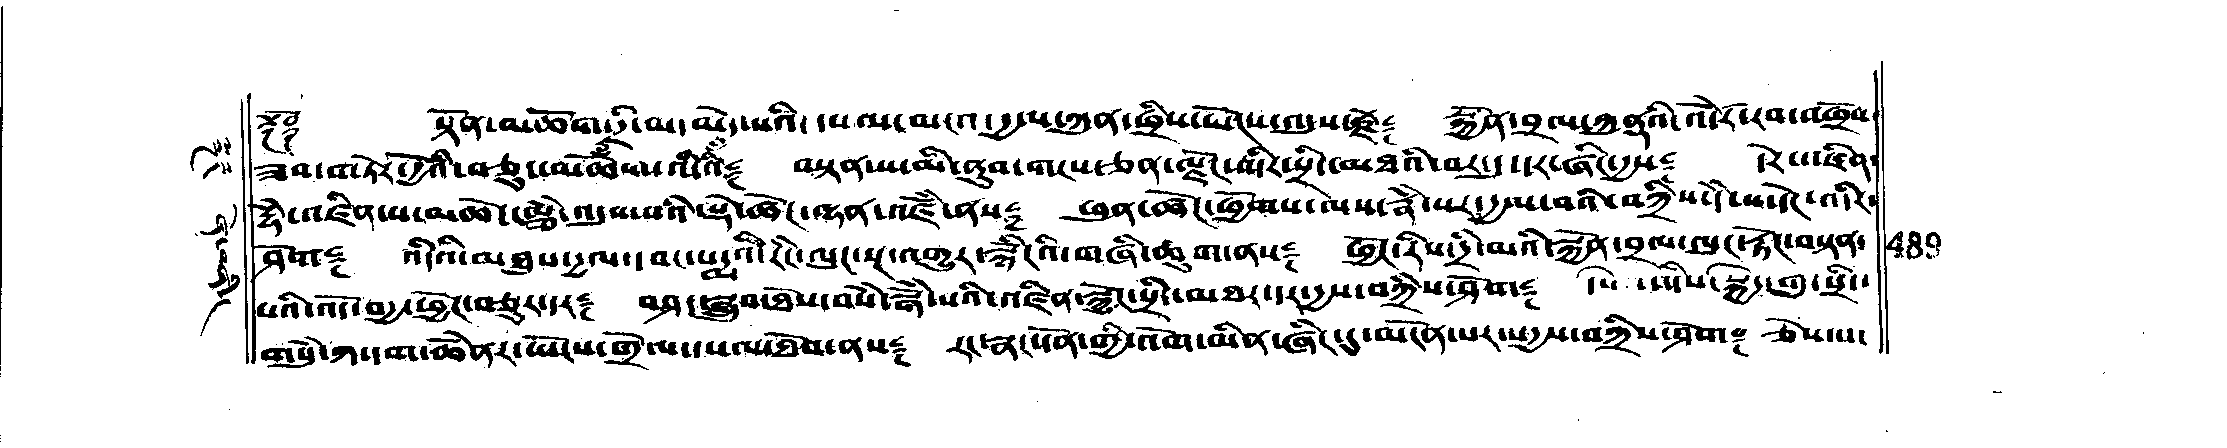།སྟོན་མཆོག་དྲི་མ་མེད་པའི་དཔལ་མངའ་རྒྱལ་ཀུན་ཕྲིན་ལས་ཡོངས་འདུས་རྗེ། །སྐྱོན་བྲལ་ཀུནྡའི་འོད་ཟེར་རབ་འཕྲོས་
ཟབ་གཏེར་རྒྱ་མཚོའི་བཅུད་མཆོག་འདིའི། །བསྟན་པ་མི་ནུབ་གངས་ཅན་ལྗོངས་འདིར་སྲིད་མཐའི་བར་དུ་དར་ཞིང་རྒྱས། །དེར་འཛིན་
རྡོ་རྗེ་འཛིན་པ་མཆེད་ལྕམ་འདུས་པའི་སྡེ་ཚོགས་ལྷན་འཛོམ་ནས། །ཕུན་ཚོགས་ཕྱོགས་ལས་རྣམ་པར་རྒྱལ་བའི་བཀྲ་ཤིས་དམ་པ་དེང་འདིར་
ཤོག །འདིའི་མཐུས་རྒྱལ་དབང་པདྨའི་རིང་ལུགས་སྔ་འགྱུར་རྙིང་མའི་གཞི་ཚུགས་ནས། །ཕྱོགས་རིས་དྲི་མའི་སྐྱོན་བྲལ་ལུང་རྟོགས་བསྟན་
པའི་འོད་བརྒྱ་ཕྱོགས་བཅུར་དར། །བཤད་སྒྲུབ་ཐོས་བསམ་སྒོམ་པའི་འཛིན་སྐྱོང་སྲིད་མཐར་དར་རྒྱས་བཀྲ་ཤིས་ཤོག དགེ་འདིས་སྐྱེ་དགུ་སྲིད་
གསུམ་ཀ་དག་ཆེན་པོར་ཡོངས་གྲོལ་དཔལ་ཐོབ་ནས། །རང་སྣང་དོན་གྱི་འོག་མིན་ཞིང་དུ་མངོན་པར་སངས་རྒྱས་བཀྲ་ཤིས་ཤོག །ཅེས་པ་